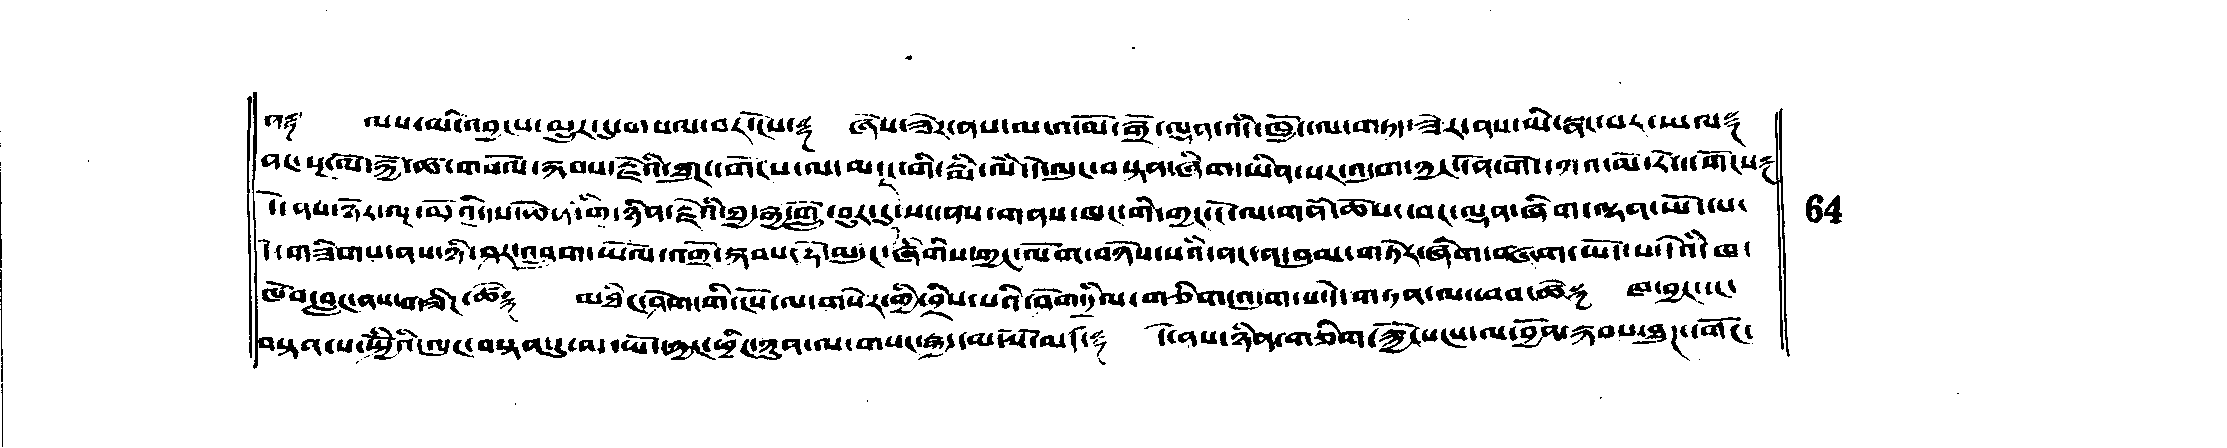།ལས་མི་འབྱངས་མྱུར་དུ་གསལ་བར་ངེས། ཞེས་ཟེར་ནས་མདའ་མོ་སྒྲོ་ལྡན་འདི་ཁྱོད་ལ་གཏད་ཟེར་ནས་མི་སྣང་བར་ཡལ། 
ནངས་སྔ་མོ་སྐྱོ་ཚ་གསོལ་སྐབས་རྗེའི་ཐུགས་དགོངས་ལ་མདང་གི་རྨི་ལམ་དེ་ལུང་བསྟན་ཞིག་ཡིན་པར་འདུག་ཀྱང་དོན་གོ་དཀའ་མོ་རེད་དགོངས། 
དེ་ནས་ཉེར་ལྔ་མཁའ་འགྲོའི་དུས་ཆེན་གྱི་ཉིན་རྗེའི་ཐུགས་རྒྱ་གློ་བུར་དུ་སད་ནས་གནས་ཁང་གི་གྱང་ངོ་ལ་གནམ་ཆོས་དབང་ལྡན་ཞིག་ལྷན་ཡོད་པ་
དེ་གཟིགས་ནས་ཉི་ཤར་འབྲུག་ཡོལ་འགྲོ་སྐབས་རྡོ་མདུང་ཞིག་གིས་གྱང་ལོག་བརྐོས་པའི་ནང་ན་བུམ་གཏེར་ཞིག་བཞག་ཡོད་པ་དེའི་ཁ་
ཁོབ་བླང་ནས་གཟིགས་ཚེ། མཐིང་ཤོག་གི་ངོས་ལ་གསེར་གྱི་བྲིས་པའི་ཤོག་དྲིལ་གཅིག་འདུག་པ་དེ་གཏན་ལ་ཕབ་ཚེ། ཁ་བྱང་དང་
བསྟན་པ་སྤྱི་བོའི་ལུང་བསྟན་དུ་མ་ཡོད་ཀྱང་ཕྱི་ནང་ཀུན་ལ་གསང་རྒྱ་དམ་པོ་མཛད། དེ་ནས་ཉིན་གཅིག་སྐྱོ་སངས་ལ་བྱོན་སྐབས་ཐུགས་དགོངས་